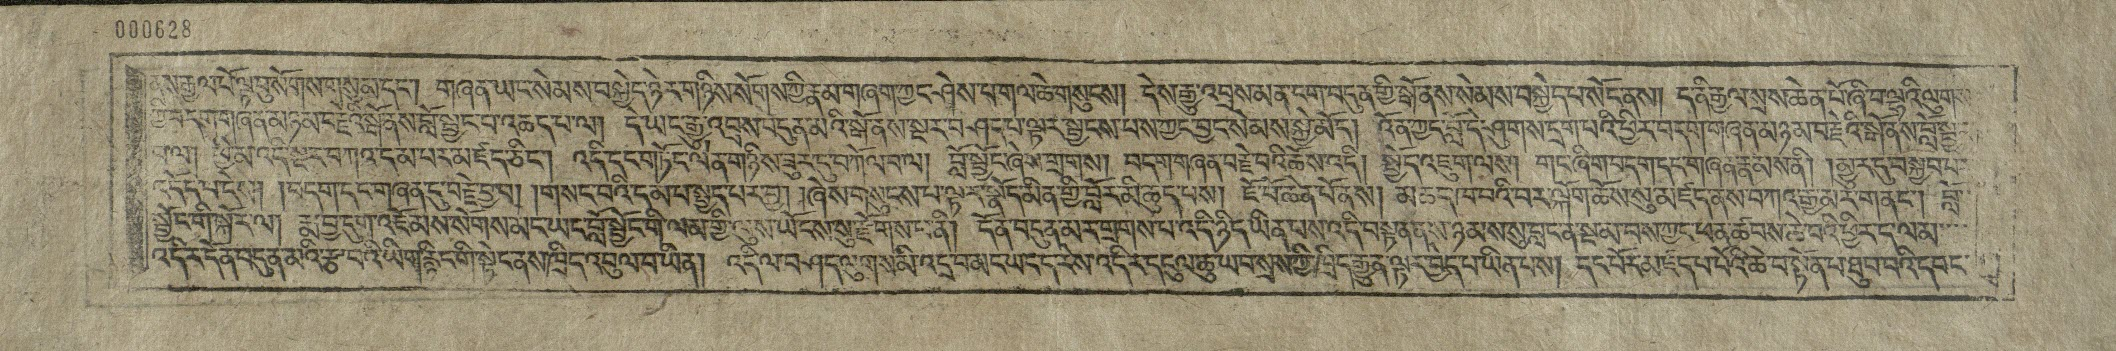ནས་རྒྱལ་པོ་ལྟ་བུ་སོགས་གསུམ་དང་། གཞན་ཡང་སེམས་བསྐྱེད་ཉེར་གཉིས་སོགས་ཀྱི་རྣམ་གཞག་ཀྱང་ཤེས་པ་གལ་ཆེ་གསུངས། དེས་རྒྱུ་འབྲས་མན་ངག་བདུན་གྱི་སྒོ་ནས་སེམས་བསྐྱེད་པ་སོང་ནས། ད་ནི་རྒྱལ་སྲས་ཆེན་པོ་ཞི་བ་ལྷའི་ལུགས་
ཀྱི་བདག་གཞན་མཉམ་བརྗེའི་སྒོ་ནས་བློ་སྦྱང་བ་འཆད་པ་ལ། དེ་ཡང་རྒྱུ་འབྲས་བདུན་མའི་སྒོ་ནས་སྔར་བཤད་པ་ལྟར་སྦྱངས་པས་ཀྱང་བྱང་སེམས་སྐྱེ་མོད། འོན་ཀྱང་བློ་དེ་ཤུགས་དྲག་པའི་ཕྱིར་བདག་གཞན་མཉམ་བརྗེའི་སྒོ་ནས་བློ་སྦྱང་
བ་ལ། ཕྱི་མ་འདི་སྔར་བཀའ་དམ་པར་མཛད་ཅིང་། འདི་དང་གཏོང་ལེན་གཉིས་ཟུར་དུ་བཀོལ་བ་ལ། བློ་སྦྱོང་ཞེས་གྲགས་བདག་གཞན་བརྗེའི་ཆོས་འདི། སྤྱོད་འཇུག་ལས། གང་ཞིག་བདག་དང་གཞན་རྣམས་ནི། །མྱུར་དུ་བསྐྱབ་པར་
འདོད་པ་དེས། །བདག་དང་གཞན་དུ་བརྗེ་བྱ་བ། །གསང་བའི་དམ་པ་སྤྱད་པར་བྱ། །ཞེས་གསུངས་པ་ལྟར་སྣོད་མིན་གྱི་བློར་མི་ཆུད་པས། ཇོ་བོ་ཆེན་པོ་ནས། མཆད་ཁ་བའི་བར་ལྐོག་ཆོས་སུ་མཛད་ནས་བཀའ་རྒྱ་མར་གནང་། བློ་
སྦྱོང་གི་སྐོར་ལ། རྨ་བྱ་དུག་འཇོམས་སོགས་མང་ཡང་བློ་སྦྱོང་གི་ལམ་གྱི་ལུས་ཡོངས་སུ་རྫོགས་པ་ནི། དོན་བདུན་མར་གྲགས་པ་འདི་ཉིད་ཡིན་པས་འདི་བསྟན་ནས་ཉམས་སུ་བླང་ན་སྔ་མ་བས་ཀྱང་ཕན་ཚབས་ཆེ་བའི་ཕྱིར་ད་ལམ་
འདིར་དོན་བདུན་མའི་རྩ་བའི་ཡིག་རྙིང་གི་སྟེང་ནས་ཁྲིད་འབུལ་བ་ཡིན། འདི་ལ་བཤད་ལུགས་མི་འདྲ་བ་མང་ཡང་ད་རེས་འདིར་དངུལ་ཆུ་ཡབ་སྲས་ཀྱི་ཁྲིད་རྒྱུན་ལྟར་བྱེད་པ་ཡིན་པས། དང་པོར་མཛད་པ་པོའི་ཆེ་བ་སྟོན་པ་ཐུབ་བའི་དབང་